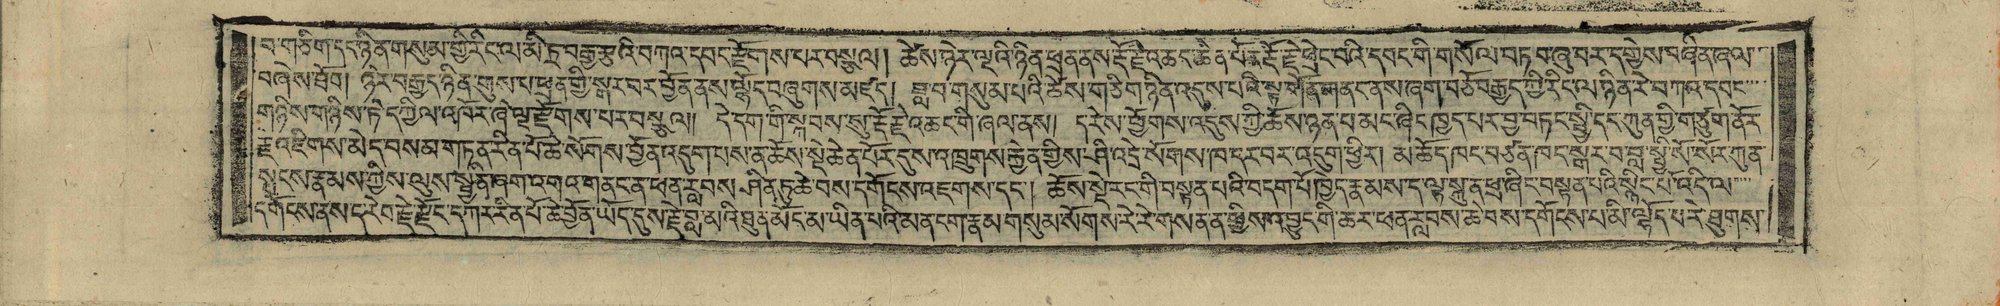བ་གཅིག་དང་ཉིན་གསུམ་གྱི་རིང་ལ་མི་ཏྲ་བརྒྱ་རྩའི་བཀའ་དབང་རྫོགས་པར་བསྩལ། ཚེས་ཉེར་ལྔའི་ཉིན་ཕྲན་ནས་རྡོ་རྗེ་འཆང་ཆེན་པོར་རྡོ་རྗེ་ཕྲེང་བའི་དབང་གི་གསོལ་བཏབ་ཞུ་བར་དགྱེས་བཞིན་ཞལ་
བཞེས་ཐོབ། ཉེར་བརྒྱད་ཉིན་གུས་པ་ཕྲན་གྱི་སྒར་བར་བྱོན་ནས་ལྷོད་བཞུགས་མཛད། ཟླ་བ་གསུམ་པའི་ཚེས་གཅིག་ཉིན་འདུས་པའི་སྟ་གོན་གནང་ནས་ཞག་བཅོ་བརྒྱད་ཀྱི་རིང་ལ་ཉིན་རེ་བཀའ་དབང་
གཉིས་གཉིས་ཏེ་དཀྱིལ་འཁོར་ཞེ་ལྔ་རྫོགས་པར་བསྩལ། དེ་དག་གི་སྐབས་སུ་རྡོ་རྗེ་འཆང་གི་ཞལ་ནས། ད་རེས་ཕྱོགས་འདུས་ཀྱི་ཆོས་ཉན་བ་མང་ཞིང་ཁྱད་པར་བྱ་བཏང་སྤྱི་དང་ཀུན་གྱི་གཙུག་ནོར་
རྗེ་འཇིགས་མེད་བསམ་གཏན་རིན་པོ་ཆེ་སོགས་བྱོན་འདུག་པས་ན་ཆོས་སྡེ་ཆེན་པོར་དུས་འཁྲུགས་རྐྱེན་གྱིས་ཤི་འདྲེ་སོགས་ཁ་དར་བར་འདུག་ཕྱིར། མཆོད་ཁང་བཙན་ཁང་སྒར་བ་བླ་སྤྱི་སོ་སོར་ཀུན་
སྤངས་རྣམས་ཀྱིས་ལུས་སྦྱིན་ཞག་འགའ་གནང་ན་ཕན་རླབས་ཤིན་ཏུ་ཆེ་བས་དགོངས་འཇགས་དང་། ཆོས་སྡེ་རང་གི་བསྟན་པའི་བདག་པོ་ཁྱེད་རྣམས་ད་ལྟ་སྐུ་ན་ཕྲ་ཞིང་བསྟན་པའི་སྙིང་པོ་འདི་ལ་
དགོངས་ནས་ད་རེབ་རྗེ་རྫོང་དཀར་རིན་པོ་ཆེ་བྱོན་ཡོད་དུས་རྗེ་བླ་མའི་ཐུན་མོང་མ་ཡིན་པའི་མན་ངག་རྣམ་གསུམ་སོགས་རེ་རེ་གསན་ན་ཕྱིས་འབྱུང་གི་ཆར་ཕན་རླབས་ཆེ་བས་དགོངས་པ་མི་ལྷོད་པ་རེ་ཐུགས་